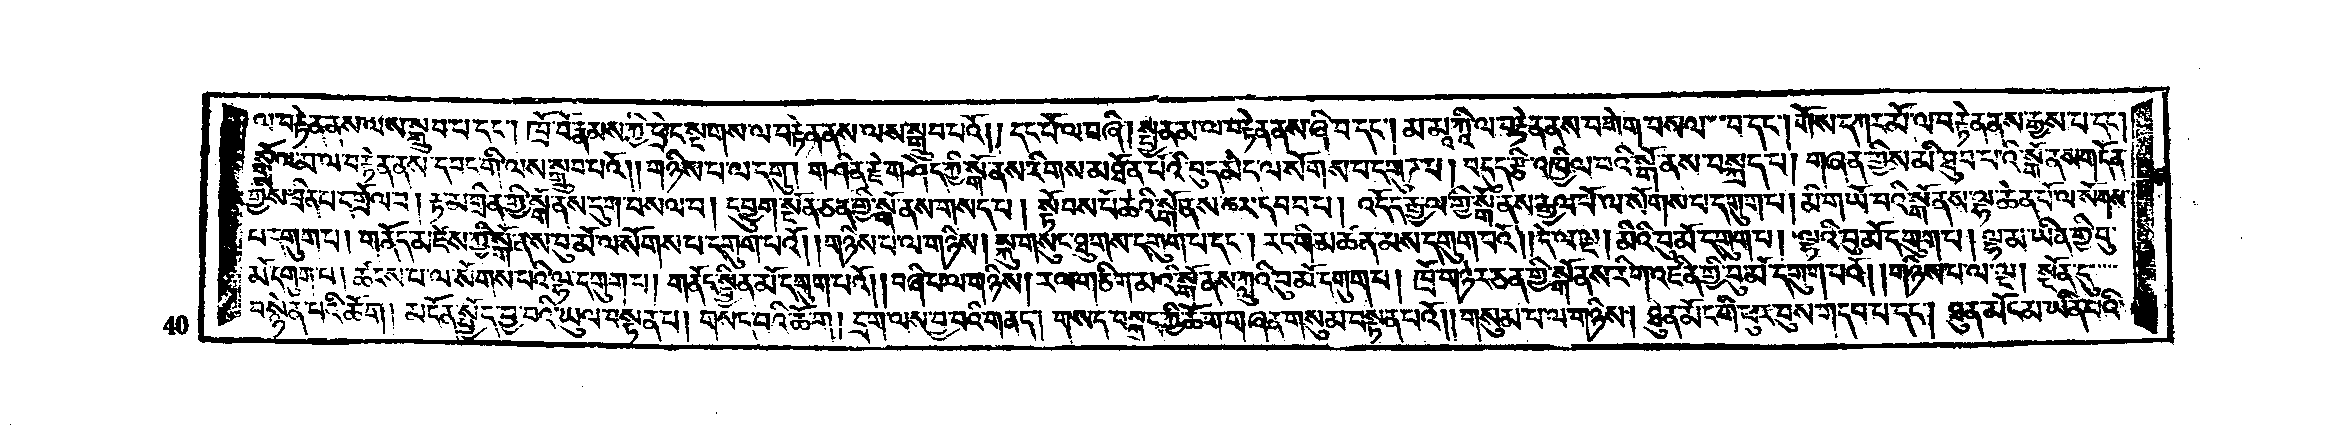ལ་བརྟེན་ནས་ལས་སྒྲུབ་པ་དང་། ཁྲོ་བོ་རྣམས་ཀྱི་ཕྲེང་སྔགས་ལ་བརྟེན་ནས་ལས་སྒྲུབ་པའོ། །དང་པོ་ལ་བཞི། སྤྱན་མ་ལ་བརྟེན་ནས་ཞི་བ་དང་། མ་མཱ་ཀཱི་ལ་བརྟེན་ནས་བགེག་བསལ་བ་དང་། གོས་དཀར་མོ་ལ་བརྟེན་ནས་རྒྱས་པ་དང་།
སྒྲོལ་མ་ལ་བརྟེན་ནས་དབང་གི་ལས་སྒྲུབ་པའོ། །གཉིས་པ་ལ་དགུ །གཤིན་རྗེ་གཤེད་ཀྱི་སྒོ་ནས་རིགས་མཐོན་པོའི་བུད་མེད་ལ་སོགས་པ་དགུགས་པ། བདུད་རྩི་འཁྱིལ་བའི་སྒོ་ནས་བསྐྲད་པ། གཞན་གྱིས་མི་ཐུབ་པའི་སྒོ་ནས་གདོན་
གྱིས་ཟིན་པ་དགྲོལ་བ། རྟ་མགྲིན་གྱི་སྒོ་ནས་དུག་བསལ་བ། དབྱུག་སྔོན་ཅན་གྱི་སྒོ་ནས་གསད་པ། སྟོབས་པོ་ཆེའི་སྒོ་ནས་ཆར་དབབ་པ། འདོད་རྒྱལ་གྱི་སྒོ་ནས་རྒྱལ་པོ་ལ་སོགས་པ་དགུག་པ། མི་གཡོ་བའི་སྒོ་ནས་ལྷ་ཆེན་པོ་ལ་སོགས་
པ་དགུག་པ། གནོད་མཛེས་ཀྱི་སྒོ་ནས་བུ་མོ་ལ་སོགས་པ་དགུག་པའོ། །གཉིས་པ་ལ་གཉིས། སྐུ་གསུང་ཐུགས་དགུག་པ་དང་། རང་གི་མཚན་མས་དགུག་པའོ། །དེ་ལ་ལྔ། མིའི་བུ་མོ་དགུག་པ། ལྷའི་བུ་མོ་དགུག་པ། ལྷ་མ་ཡིན་གྱི་བུ་
མོ་དགུག་པ། ཚངས་པ་ལ་སོགས་པའི་ལྷ་དགུག་པ། གནོད་སྦྱིན་མོ་དགུག་པའོ། །བཞི་པ་ལ་གཉིས། རལ་གཅིག་མའི་སྒོ་ནས་ཀླུའི་བུ་མོ་དགུག་པ། ཁྲོ་གཉེར་ཅན་གྱི་སྒོ་ནས་རིག་འཛིན་གྱི་བུ་མོ་དགུག་པའོ། །གཉིས་པ་ལ་ལྔ། སྔོན་དུ་
བསྙེན་པའི་ཆོ་ག །མངོན་སྤྱོད་བྱ་བའི་ཡུལ་བསྟན་པ། གསད་བའི་ཆོ་ག །དྲག་ལས་བྱ་བའི་གནད། གསད་བསྐྲད་ཀྱི་ཆོ་ག་གཞན་གསུམ་བསྟན་པའོ། །གསུམ་པ་ལ་གཉིས། ཐུན་མོང་གི་ཕུར་བུས་གདབ་པ་དང་། ཐུན་མོང་མ་ཡིན་པའི་